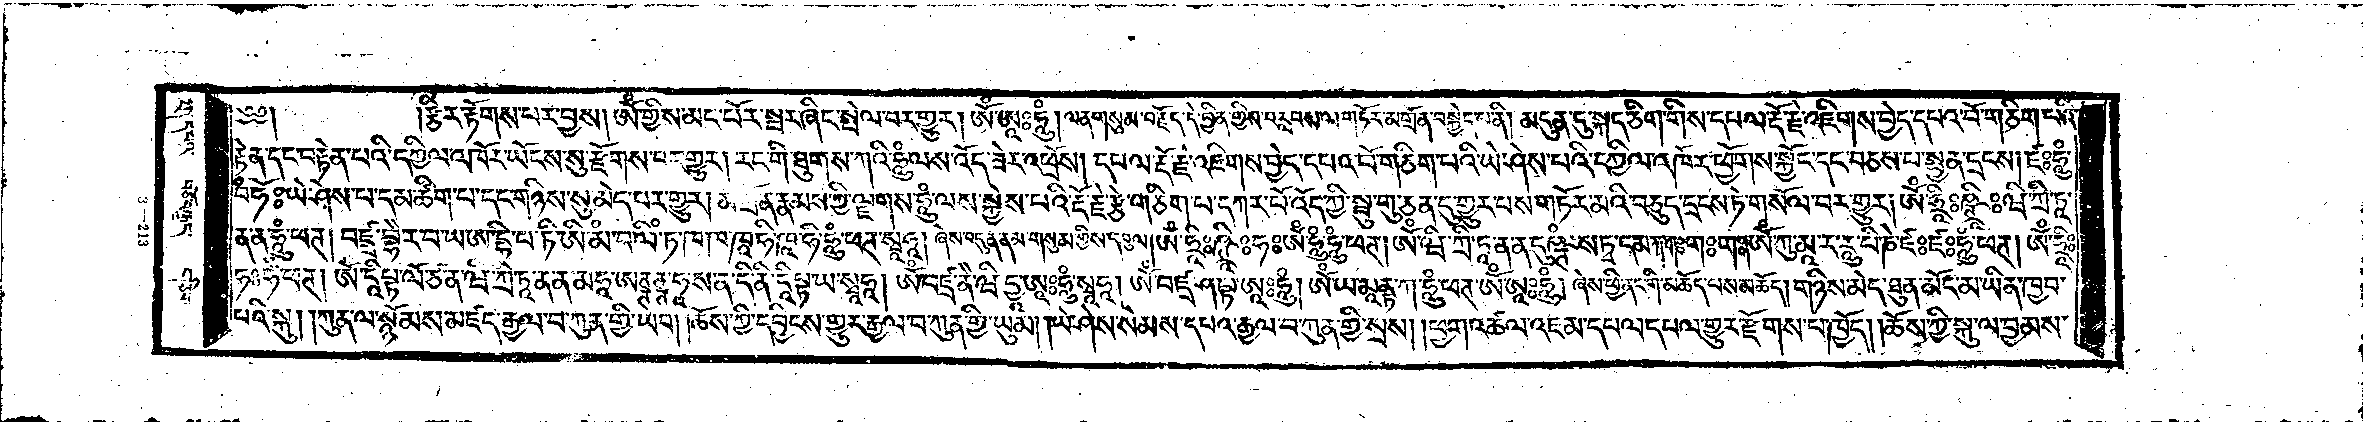༄༅། །རྩིར་རྟོགས་པར་བྱས། ཨོཾ་གྱིས་མང་པོར་སྤར་ཞིང་སྤེལ་བར་གྱུར། ཨོཾ་ཨཱཿཧཱུཾ། ལན་གསུམ་བརྗོད་དེ་བྱིན་གྱིས་བརླབས་ལ་གཏོར་མགྲོན་བསྐྱེད་པ་ནི།  མདུན་དུ་སྐད་ཅིག་གིས་དཔལ་རྡོ་རྗེ་འཇིགས་བྱེད་དཔའ་བོ་གཅིག་པའི་
རྟེན་དང་བརྟེན་པའི་དཀྱིལ་འཁོར་ཡོངས་སུ་རྫོགས་པར་གྱུར། རང་གི་ཐུགས་ཀའི་ཧཱུཾ་ལས་འོད་ཟེར་འཕྲོས། དཔལ་རྡོ་རྗེ་འཇིགས་བྱེད་དཔའ་བོ་གཅིག་པའི་ཡེ་ཤེས་པའི་དཀྱིལ་འཁོར་ཕྱོགས་སྐྱོང་དང་བཅས་པ་སྤྱན་དྲངས། ཛཿ ཧཱུཾ་
བཾ་ཧོཿཡེ་ཤེས་པ་དམ་ཚིག་པ་དང་གཉིས་སུ་མེད་པར་གྱུར། མགྲོན་རྣམས་ཀྱི་ལྗགས་ཧཱུཾ་ལས་སྐྱེས་པའི་རྡོ་རྗེ་རྩེ་གཅིག་པ་དཀར་པོ་འོད་ཀྱི་སྤུ་གུ་ཅན་དུ་གྱུར་པས་གཏོར་མའི་བཅུད་དྲངས་ཏེ་གསོལ་བར་གྱུར༑ ཨོཾ་ཧྲཱིཿཥྚྲཱིཿཝི་ཀྲི་ཏཱ་
ན་ན་ཧཱུཾ་ཕཊ། བཛྲ་བྷཻར་བ་ཡ་ཨ་དྷི་པ་ཏི་ཨི་མཾ་བ་ལིཾ་ཏ་ཁ་ཁ་ཁཱ་ཧི་ཁཱ་ཧི་ཧཱུཾ་ཕཊ་སྭཱཧཱ། ཞེས་བདུན་ནམ་གསུམ་གྱིས་དབུལ།  ཨོཾ་ཧྲཱིཿཥྚྲཱིཿཧཿཨོཾ་ཧཱུཾ་ཧཱུཾ་ཕཊ། ཨོཾ་ཝི་ཀྲི་ཏཱ་ན་ན་དུ་ཥྚཾ་སཏྭ་དམ༑གཿཨོཾ་ཀུ་མཱ་ར་རཱུ་པི་ཎེ་ཛཿཛཿཧཱུཾ་ཕཊ། ཨོཾ་ཧྲཱིཿ
ཧཿཧེ་ཕཊ། ཨོཾ་དཱི་པྟ་ལོ་ཙན་ཝི་ཀྲི་ཏཱ་ན་ན་མཧཱ་ཨཊྚཊྚ་ཧཱ་ས་ན་དི་ནི་དཱི་པྟ་ཡ་སྭཱཧཱ། ཨོཾ་བཛྲ་ནཻ་ཝི་དྱཱ་ཨཱཿ ཧཱུཾ་སྭཱཧཱ། ཨོཾ་བཛྲ་ཤཔྟ་ཨཱཿཧཱུཾ། ཨོཾ་ཡ་མཱནྟ་ཀ་ཧཱུཾ་ཕཊ་ཨོཾ་ཨཱཿཧཱུཾ། ཞེས་ཕྱི་ནང་གི་མཆོད་པ་མཆོད།  གཉིས་མེད་ཐུན་མོང་མ་ཡིན་ཁྱབ་
པའི་སྐུ། །ཀུན་ལ་སྙོམས་མཛད་རྒྱལ་བ་ཀུན་གྱི་ཡབ། །ཆོས་ཀྱི་དབྱིངས་གྱུར་རྒྱལ་བ་ཀུན་གྱི་ཡུམ། །ཡེ་ཤེས་སེམས་དཔའ་རྒྱལ་བ་ཀུན་གྱི་སྲས། །ཕྱག་འཚལ་འཇམ་དཔལ་དཔལ་གྱུར་རྫོགས་པ་ཁྱོད། །ཆོས་ཀྱི་སྐུ་ལ་བྱམས་